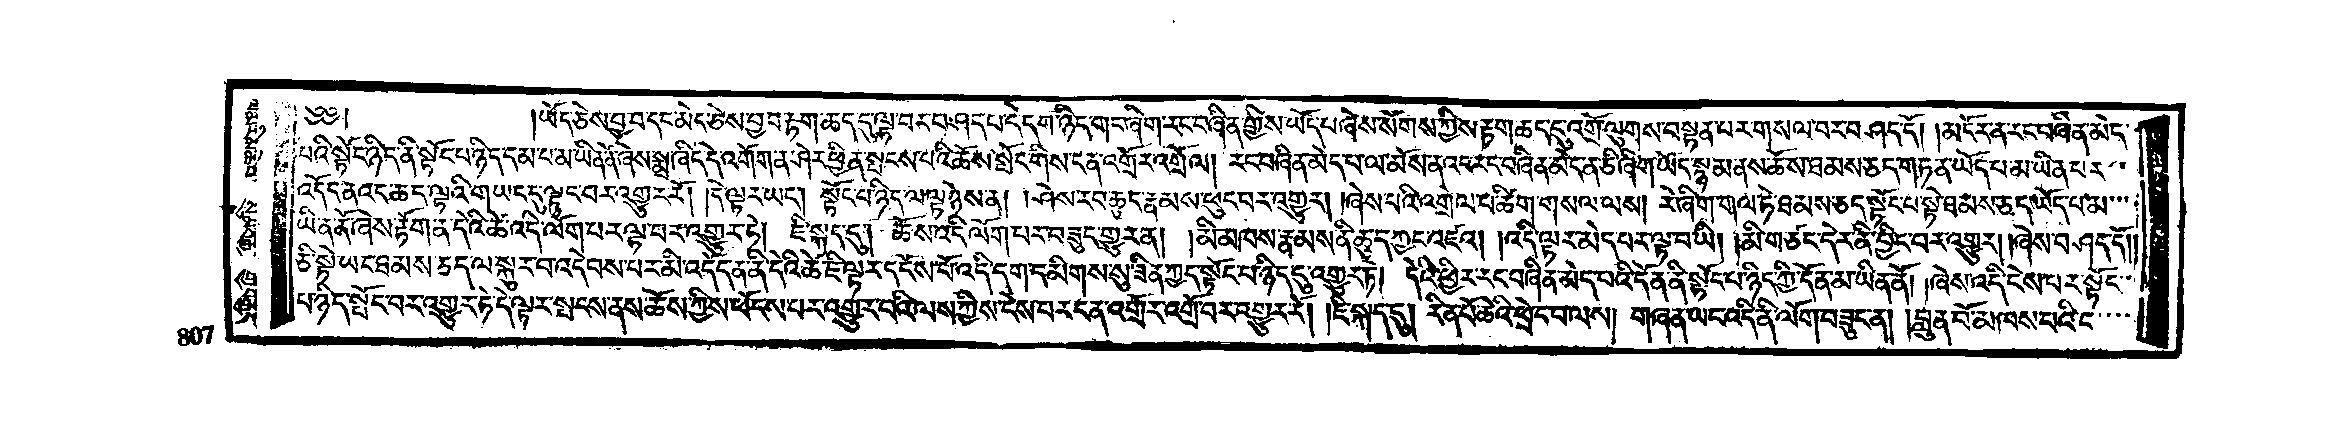༄༅། །ཡོད་ཅེས་བྱ་བ་དང་མེད་ཅེས་བྱ་བ་རྟག་ཆད་དུ་ལྟ་བར་བཤད་པ་དེ་དག་ཉིད་གང་ཞིག་རང་བཞིན་གྱིས་ཡོད་པ་ཞེས་སོགས་ཀྱིས་རྟག་ཆད་དུ་འགྲོ་ལུགས་བསྟན་པར་གསལ་བར་བཤད་དོ། །མདོར་ན་རང་བཞིན་མེད་
པའི་སྟོང་ཉིད་ནི་སྟོང་པ་ཉིད་དམ་པ་མ་ཡིན་ནོ་ཞེས་སྨྲ་ཞིང་དེ་འགོག་ན་ཤེར་ཕྱིན་སྤངས་པའི་ཆོས་སྤོང་གིས་ངན་འགྲོར་འགྲོ་ལ། རང་བཞིན་མེད་པ་ལ་མོས་ནའང་རང་བཞིན་མེད་ན་ཅི་ཞིག་ཡོད་སྙམ་ནས་ཆོས་ཐམས་ཅད་གཏན་ཡོད་པ་མ་ཡིན་པར་
འདོད་ནའང་ཆད་ལྟའི་གཡང་དུ་ལྟུང་བར་འགྱུར་རོ། །དེ་ལྟར་ཡང་། སྟོང་པ་ཉིད་ལ་ལྟ་ཉེས་ན། །ཤེས་རབ་ཆུང་རྣམས་ཕུང་བར་འགྱུར། །ཞེས་པའི་འགྲེལ་པ་ཚིག་གསལ་ལས། རེ་ཞིག་གལ་ཏེ་ཐམས་ཅད་སྟོང་པ་སྟེ་ཐམས་ཅད་ཡོད་པ་མ་
ཡིན་ནོ་ཞེས་རྟོག་ན་དེའི་ཚེ་འདི་ལོག་པར་ལྟ་བར་འགྱུར་ཏེ། ཇི་སྐད་དུ། ཆོས་འདི་ལོག་པར་བཟུང་གྱུར་ན། །མི་མཁས་རྣམས་ནི་ཆུད་ཀྱང་འཛའ། །འདི་ལྟར་མེད་པར་ལྟ་བ་ཡི། །མི་གཙང་དེར་ནི་བྱིང་བར་འགྱུར། །ཞེས་བཤད་དོ། །
ཅི་སྟེ་ཡང་ཐམས་ཅད་ལ་སྐུར་པ་འདེབས་པར་མི་འདོད་ན་ནི་དེའི་ཚེ་ཇི་ལྟར་དངོས་པོ་འདི་དག་དམིགས་སུ་ཟིན་ཀྱང་སྟོང་པ་ཉིད་དུ་འགྱུར་ཏེ། དེའི་ཕྱིར་རང་བཞིན་མེད་པའི་དོན་ནི་སྟོང་པ་ཉིད་ཀྱི་དོན་མ་ཡིན་ནོ། །ཞེས་འདི་ངེས་པར་སྟོང་
པ་ཉིད་སྤོང་བར་འགྱུར་ཏེ་དེ་ལྟར་སྤངས་ནས་ཆོས་ཀྱིས་ཕོངས་པར་འགྱུར་བའི་ལས་ཀྱིས་ངེས་པར་ངན་འགྲོར་འགྲོ་བར་འགྱུར་རོ། །ཇི་སྐད་དུ། རིན་པོ་ཆེའི་ཕྲེང་བ་ལས། གཞན་ཡང་འདི་ནི་ལོག་བཟུང་ན། །བླུན་པོ་མཁས་པའི་ང་